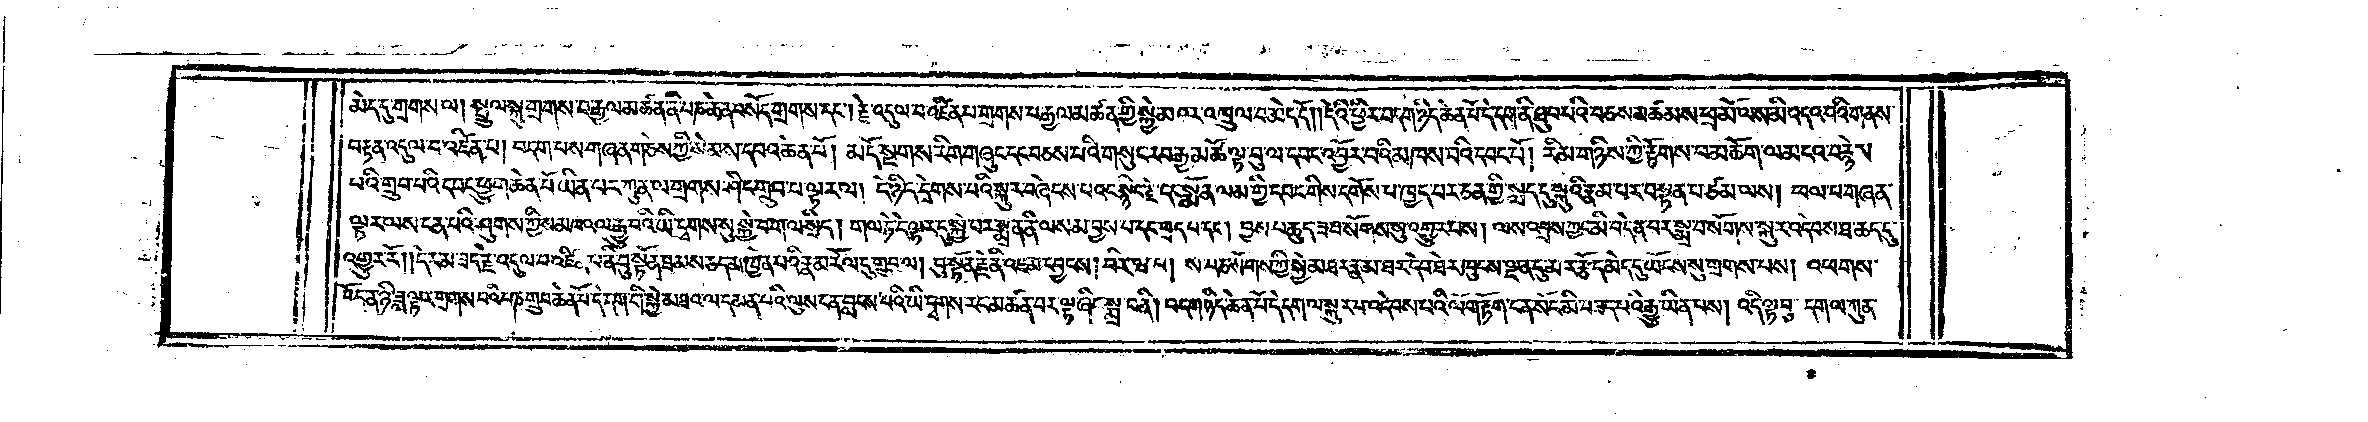མེད་དུ་གྲགས་ལ། སྤྲུལ་སྐུ་གྲགས་བ་རྒྱལ་མཚན་ནི་པཎ་ཆེན་བསོད་གྲགས་དང་། །རྗེ་འདུལ་པ་འཛིན་པ་གྲགས་པ་རྒྱལ་མཚན་གྱི་སྐྱེ་མཐར་འཁྲུལ་བ་མེད་དོ། །དེའི་ཕྱིར་བདག་ཉིད་ཆེན་པོ་དེ་དག་ནི་ཐུབ་པའི་བཅས་མཚམས་ཕྲ་མོ་ལས་མི་འདའ་བའི་གནས་
བརྟན་འདུལ་བ་འཛིན་པ། བདག་པས་གཞན་གཅེས་ཀྱི་སེམས་དཔའ་ཆེན་པོ། མགོ་སྔགས་རིག་གཞུང་དང་བཅས་པའི་གསུང་རབ་རྒྱ་མཚོ་ལྟ་བུ་ལ་དབང་འབྱོར་བའི་མཁས་པའི་དབང་པོ། རིམ་གཉིས་ཀྱི་རྟོགས་པ་མཆོག་ལ་མངའ་བརྙེས་
པའི་གྲུབ་པའི་དབང་ཕྱུག་ཆེན་པོ་ཡིན་པར་ཀུན་ལ་གྲགས་ཤིང་གྲུབ་པ་ལྟར་ལ། དེ་ཉིད་དྲེགས་པའི་སྐུར་བཞེངས་པའང་སྙིང་རྗེ་དང་སྨོན་ལམ་གྱི་དབང་གིས་དགོས་པ་ཁྱད་པར་ཅན་གྱི་སླད་དུ་སྐུའི་རྣམ་པར་བསྟན་པ་ཙམ་ལས། ཕལ་བ་གཞན་
ལྟར་ལས་ངན་པའི་ཤུགས་ཀྱིས་མངལ་རྒྱུ་བའི་ཡི་དྭགས་སུ་སྐྱེ་བ་ག་ལ་སྲིད། གལ་ཏེ་དེ་ལྟར་དུ་སྐྱེ་བར་སྨྲ་ན་ནི་ལས་མ་བྱས་པ་དང་ཕྲད་པ་དང་། བྱས་པ་ཆུང་ཟབ་སོགས་སུ་འགྱུར་པས། ལས་འབྲས་ཀྱང་མི་བདེན་བར་སྨྲ་བ་སོགས་སྐུར་འདེབས་ཐ་ཆད་དུ་
འགྱུར་རོ། །དེར་མ་ཟད་རྗེ་འདུལ་བ་འཛིན་པ་ནི་བུ་སྟོན་ཐམས་ཅད་མཁྱེན་པའི་རྣམ་རོལ་དུ་གྲུབ་ལ། བུ་སྟོན་རྗེ་ནི་འཇམ་དབྱངས། བིར་ཝ་པ། ས་པཎ་སོགས་ཀྱི་སྐྱེ་མཐར་རྣམ་ཐར་དཔེ་ཐེར་ཐུགས་ཁུངས་ལྡན་དུ་མར་རྩོད་མེད་དུ་ཡོངས་སུ་གྲགས་པས། འཕགས་
བོད་ན་ཉི་བླ་ལྟར་གྲགས་པའི་པཎ་ཆེན་པོ་དེ་དག་གི་སྐྱེ་མཐའ་ལ་དམན་པའི་ལུས་ངན་བླངས་པའི་ཡི་དྭགས་རང་མཚན་པར་ལྟ་ཞིང་སྨྲ་བ་ནི། བདག་ཉིད་ཆེན་པོ་དེ་དག་ལ་སྐུར་པ་འདེབས་པའི་ལོག་རྟོག་ངན་སོང་མི་བཟད་པའི་རྒྱུ་ཡིན་པས། འདི་ལྟ་བུ་དག་ལ་ཀུན་